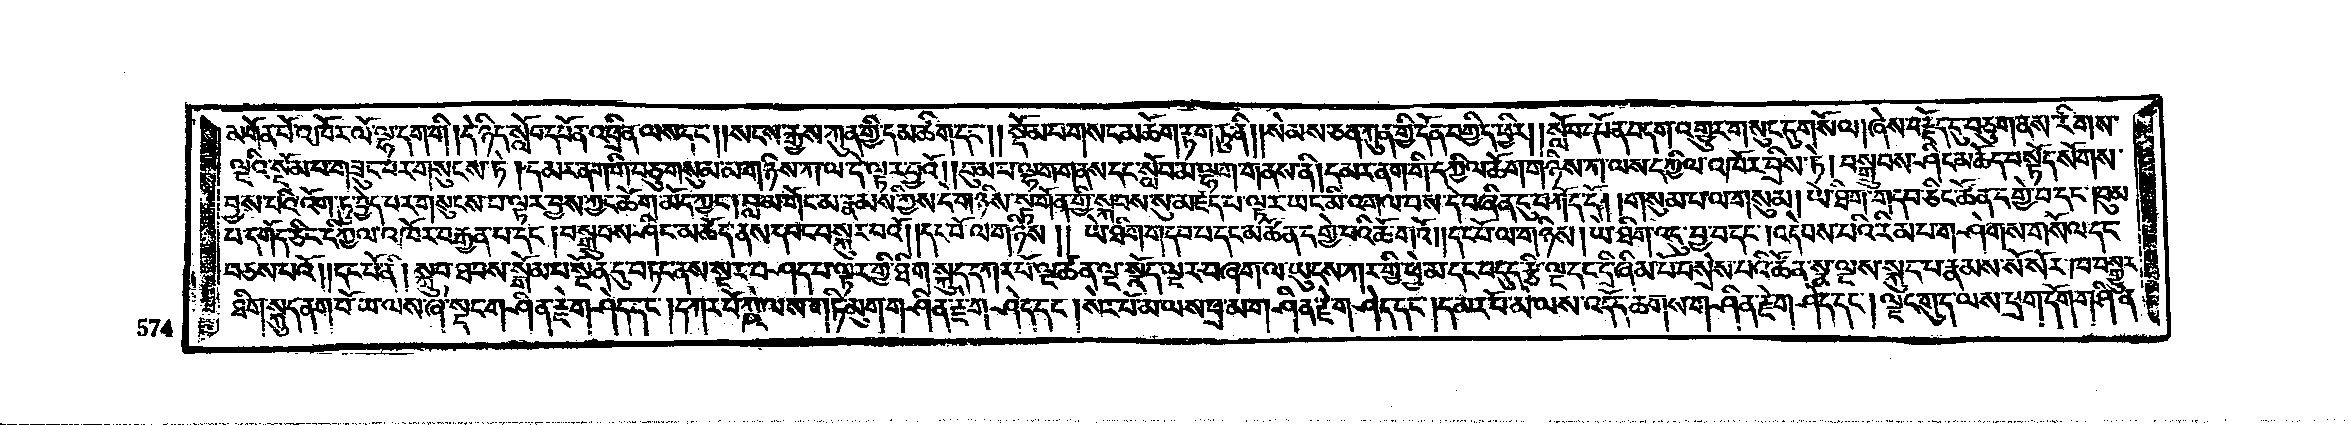མགོན་པོ་འཁོར་ལོ་ལྷ་དག་གི །དེ་ཉིད་སློབ་དཔོན་འཕྲིན་ལས་དང་། །སངས་རྒྱས་ཀུན་གྱི་དམ་ཚིག་དང་། །སྡོམ་པ་གསང་མཆོག་རྟག་ཏུ་ནི། །སེམས་ཅན་ཀུན་གྱི་དོན་བགྱིད་ཕྱིར། །སློབ་དཔོན་བདག་འགྱུར་གསུང་དུ་གསོལ། ཞེས་བརྗོད་དུ་བཅུག་ནས་རིགས་
ལྔའི་སྡོམ་པ་གཟུང་བར་གསུངས་ཏེ། དམར་ནག་གི་བཅུ་གསུམ་མ་གཉིས་ཀ་ལ་དེ་ལྟར་བྱའོ། །བུམ་པ་ལྷག་གནས་དང་སློབ་མ་ལྷག་གནས་ནི། དམར་ནག་གི་དཀྱིལ་ཆོག་གཉིས་ཀ་ལས་དཀྱིལ་འཁོར་བྲིས་ཏེ། བསྒྲུབས་ཤིང་མཆོད་བསྟོད་སོགས་
བྱས་པའི་འོག་ཏུ་བྱེད་པར་གསུངས་པ་ལྟར་བྱས་ཀྱང་ཆོག་མོད་ཀྱང་། བླ་མ་གོང་མ་རྣམས་ཀྱིས་དེ་གཉིས་སྟ་གོན་གྱི་སྐབས་སུ་མཛད་པ་ལྟར་ཡང་མི་འགལ་བས་དེ་བཞིན་དུ་བཀོད་དོ། །གསུམ་པ་ལ་གསུམ། ཡེ་ཐིག་གདབ་ཅིང་ཚོན་དགྱེ་བ་དང་བུམ་
པ་དགོད་ཅིང་དཀྱིལ་འཁོར་བརྒྱན་པ་དང་། བསྒྲུབས་ཤིང་མཆོད་ནས་དབང་བསྐུར་བའོ། །དང་པོ་ལ་གཉིས། །ཡེ་ཐིག་གདབ་པ་དང་མཚོན་དགྱེ་བའི་ཆོ་གའོ། །དང་པོ་ལ་གཉིས། ཡེ་ཐིག་འདུ་བྱ་བ་དང་། འདེབས་པའི་རིམ་པ་གཤེགས་གསོལ་དང་
བཅས་པའོ། །དང་པོ་ནི། སྒྲུབ་ཐབས་སྒོམ་པ་སྔོན་དུ་བཏང་ནས་སྔར་བཤད་པ་ལྟར་གྱི་ཐིག་སྐུད་དཀར་པོ་ལྔ་ཚན་ལྔ་སྣོད་ལྔར་བཞག་ལ་ཡུངས་ཀར་གྱི་ཕྱེ་མ་དང་བདུད་རྩི་ལྔ་དང་དྲི་ཞིམ་པོ་བསྲེས་པའི་ཚོན་སྣ་ལྔས་སྐུད་པ་རྣམས་སོ་སོར་ཁ་བསྒྱུར་
ཐིག་སྐུད་ནག་པོ་ཡ་ལས་ཞེ་སྡང་གཤིན་རྗེ་གཤེད་དང་། དཀར་པོ་ཀྵེ་ལས་གཏི་མུག་གཤིན་རྗེ་གཤེད་དང་། སེར་པོ་མ་ལས་ཕྲ་མ་གཤིན་རྗེ་གཤེད་དང་། དམར་པོ་མ་ལས་འདོད་ཆགས་གཤིན་རྗེ་གཤེད་དང་། ལྗང་གུ་དེ་ལས་ཕྲག་དོག་གཤིན་